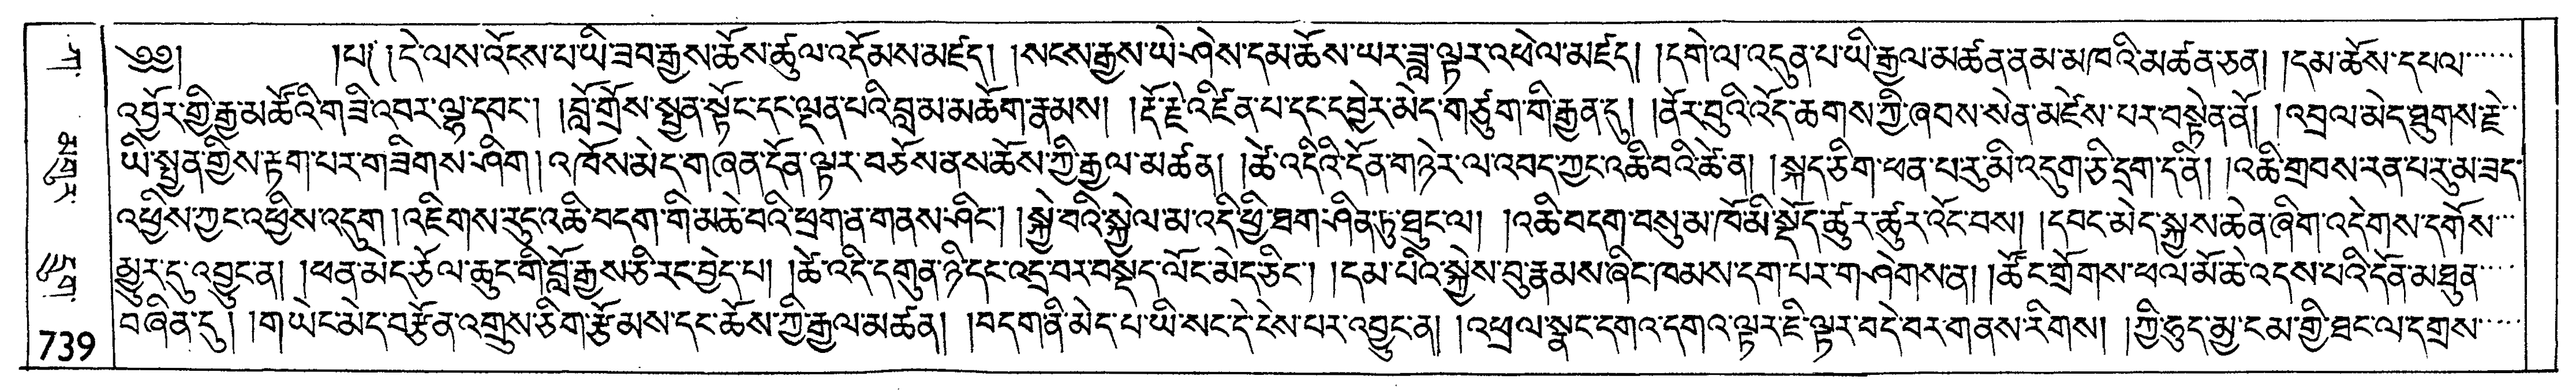༄༅། །པ༑ ༑དེ་ལས་འོངས་པ་ཡི་ཟབ་རྒྱས་ཆོས་ཚུལ་འདོམས་མཛད། །སངས་རྒྱས་ཡེ་ཤེས་དམ་ཆོས་ཡར་ཟླ་ལྟར་འཕེལ་མཛད། །དགེ་ལ་འདུན་པ་ཡི་རྒྱལ་མཚན་ནམ་མཁའི་མཚན་ཅན། །དམ་ཆོས་དཔལ་
འབྱོར་གྱི་རྒྱ་མཚོའི་གཟི་འབར་ལྷ་དབང་། །བློ་གྲོས་སྤྱན་སྟོང་དང་ལྡན་པའི་བླ་མ་མཆོག་རྣམས། །རྡོ་རྗེ་འཛིན་པ་དང་དབྱེར་མེད་གཙུག་གི་རྒྱན་དུ། །ནོར་བུའི་འོད་ཆགས་ཀྱི་ཞབས་སེན་མཛེས་པར་བསྟེན་ནོ། །འབྲལ་མེད་ཐུགས་རྗེ་
ཡི་སྤྱན་གྱིས་རྟག་པར་གཟིགས་ཤིག །འཁོས་མེད་གཞན་དོན་ལྟར་བཅོས་ནས་ཆོས་ཀྱི་རྒྱལ་མཚན། །ཚེ་འདིའི་དོན་གཉེར་ལ་འབད་ཀྱང་འཆི་བའི་ཚེ་ན། །སྐད་ཅིག་ཕན་པ་རུ་མི་འདུག་ཅི་དྲག་ད་ནི། །འཆི་གྲབས་རན་པ་རུ་མ་ཟད་
འཕྱིས་ཀྱང་འཕྱིས་འདུག །འཇིགས་རུང་འཆི་བདག་གི་མཆེ་བའི་ཕྲག་ན་གནས་ཤིང་། །སྐྱེ་བའི་སྐྱེལ་མ་འདི་ཕྱི་ཐག་ཤིན་ཏུ་ཐུང་ལ། །འཆི་བདག་བསུ་མ་ཁོ་མི་སྡོད་ཚུར་ཚུར་འོང་བས། །དབང་མེད་སྐྱས་ཆེན་ཞིག་འདེགས་དགོས་
མྱུར་དུ་འབྱུང་ན། །ཕན་མེད་ཅོལ་ཆུང་གི་བློ་རྒྱས་ཅི་རང་བྱེད་པ། །ཚེ་འདི་དགུན་ཉི་དང་འདྲ་བར་བསྡད་ལོང་མེད་ཅིང་། །དམ་པའི་སྐྱེས་བུ་རྣམས་ཞིང་ཁམས་དག་པར་གཤེགས་ན། །ཚོང་གྲོགས་ཕལ་མོ་ཆེ་འདས་པའི་དོན་མཐུན་
བཞིན་དུ། །གཡེང་མེད་བརྩོན་འགྲུས་ཅིག་རྩོམས་དང་ཆོས་ཀྱི་རྒྱལ་མཚན། །བདག་ནི་མེད་པ་ཡི་སང་དེ་ངེས་པར་འབྱུང་ན། །འཕྲལ་སྣང་དགའ་དགའ་ལྟར་ཇི་ལྟར་བདེ་བར་གནས་རིགས། །ཀྱི་ཧུད་མྱ་ངམ་གྱི་ཐང་ལ་དགྲས་